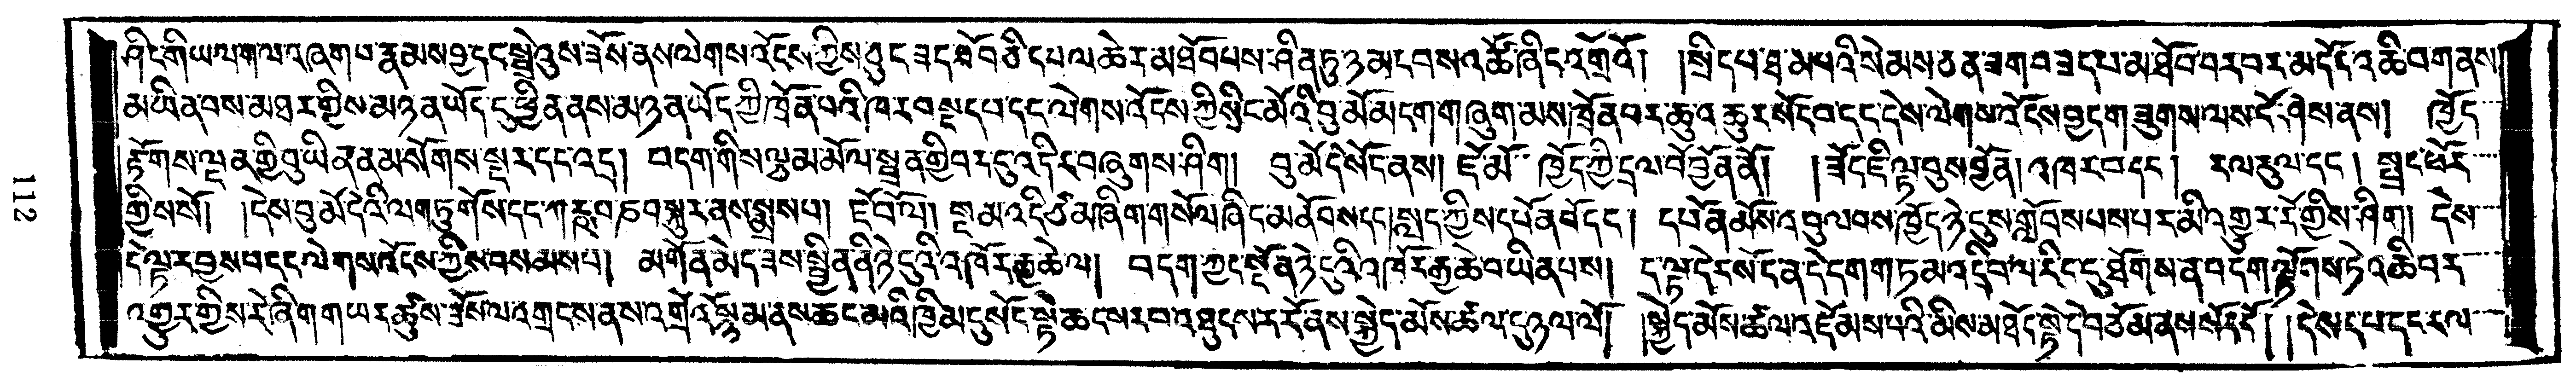ཤིང་གི་ཡལ་ག་ལ་བཞག་པ་རྣམས་བྱ་དང་སྤྲེའུས་ཟོས་ནས་ལེགས་འོངས་ཀྱིས་ཅུང་ཟད་ཐོབ་ཅི་དཔལ་ཆེར་མཐོབ་པས་ཤིན་ཏུ་ཉ་མང་བས་འཚོ་ཞིང་འགྲོའོ། །སྲིད་པ་ཐ་མ་པའི་སེམས་ཅན་ཟག་བཟད་པ་མ་ཐོབ་པར་བར་མདོང་འཆི་བ་གནས་
མ་ཡིན་པས་མཐར་གྱིས་མཉན་ཡོད་དུ་ཕྱིན་ནས་མཉན་ཡོད་ཀྱི་ཁྲོན་པའི་ཁར་བསྔད་པ་དང་ལེགས་འོངས་ཀྱི་སྲིང་མོའི་བུ་མོ་མངག་གཞུག་མས་ཁྲོན་བར་ཆུ་འཆུར་སོང་བ་དང་དེས་ལེགས་འོངས་བྱད་གཟུགས་ལས་ངོ་ཤེས་ནས། ཁྱོད་
རྟོགས་ལྡན་གྱི་བུ་ཡིན་ནམ་སོགས་སྔར་དང་འདྲ། བདག་གིས་ལྕམ་མོ་ལ་སྦྲན་གྱི་བར་དུ་འདིར་བཞུགས་ཤིབ། བུ་མོ་དེ་སོང་ནས། ཇོ་བོ་ཁྱོད་ཀྱི་དྲལ་བོ་བྱོན་ནོ། །ཟོང་ཇི་ལྟ་བུས་བྱོན། འཁར་བ་དང་། རལ་རུལ་དང་། སྦྲང་ཕོར་
གྱིས་སོ། །དེས་བུ་མོ་དེའི་ལག་ཏུ་གོས་དང་ཀརྵ་བ་ཎ་བསྐུར་ནས་སྨྲས་པ། ཇོ་བོ་ལ། སྔ་མ་འདི་ཙམ་ཞིག་གསོལ་ཞིང་མནོབས་དང་། སླད་ཀྱིས་དཔོན་བོ་དང་། དཔོན་མོས་འབུལ་བས་ཁྱོད་ཉེ་དུས་གློབས་པས་པར་མི་འགྱུར་རོ་གྱིས་ཤིག། དེས་
དེ་ལྟར་བྱས་པ་དང་ལེགས་འོངས་ཀྱིས་བསམས་པ། མགོན་མེད་ཟས་སྦྱིན་ནི་ཉེ་དུའི་འཁོར་རྒྱ་ཆེ་ལ། བདག་ཀྱང་སྔོན་ཉེ་དུའི་འཁོར་རྒྱ་ཆེ་བ་ཡིན་པས། ད་ལྟ་དེར་སོང་ན་དེ་དག་གཏམ་འདྲི་བ་ལ་རིང་དུ་ཐོགས་ན་བདག་ལྟོགས་ཏེ་འཆི་བར་
འགྱུར་གྱིས་རེ་ཞིག་གཡར་ཚུས་ཟོས་ལ་འགྲངས་ནས་འགྲོའོ་སྙམ་ནས་ཆང་མའི་ཁྱིམ་དུ་སོང་སྟེ་ཆང་སར་བ་འཐུངས་ར་རོ་ནས་སྐྱེད་མོས་ཚལ་དུ་ཉལ་ལོ། །སྐྱེད་མོས་ཚལ་འཇོམས་པའི་མིས་མཐོང་སྟེ་དེ་བཅོམ་ནས་སོང་ངོ། །དེ་སད་པ་དང་རལ་